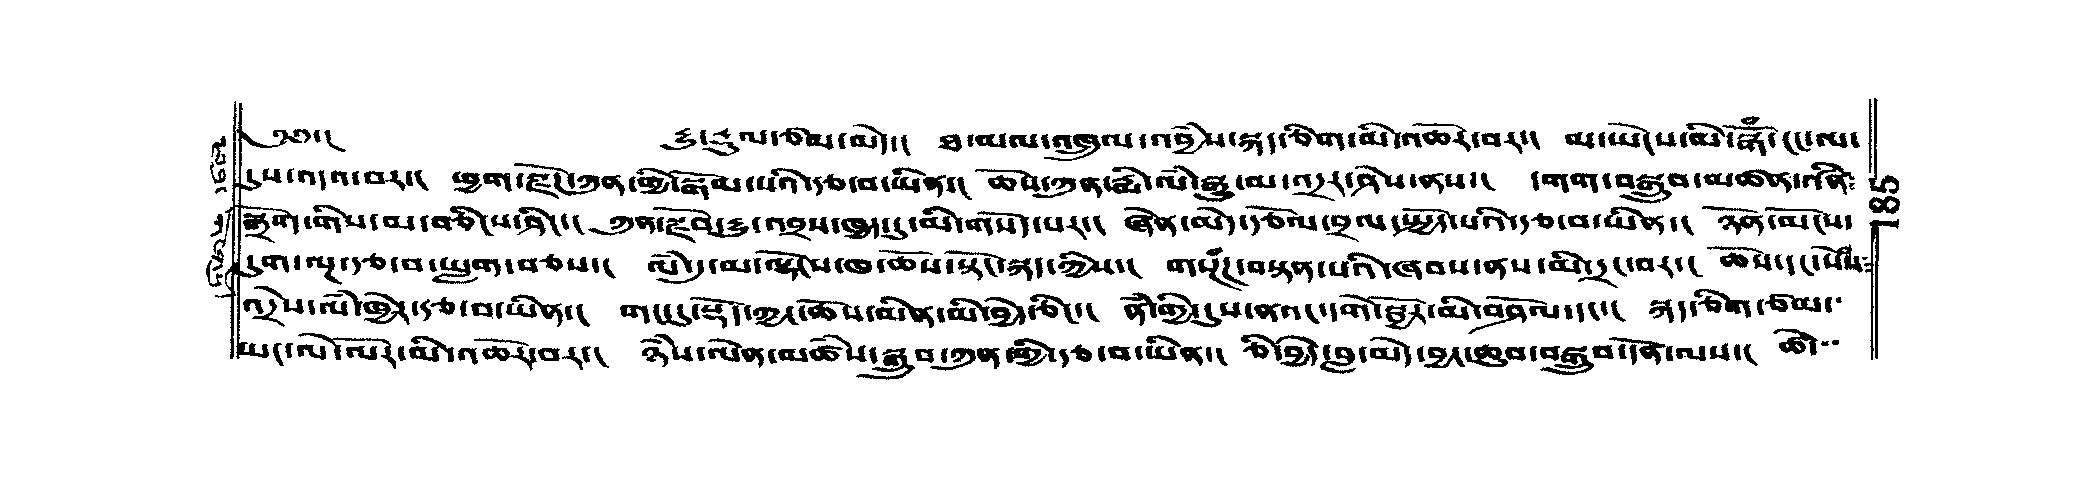རྒྱུ་རྡུལ་ཙམ་མེད། །ཐ་མལ་འཁྲུལ་འབྱམས་སྐད་ཅིག་མི་འཆོར་བར། །མ་ཡེངས་མི་སྒོམ་ངང་ལ་
དུས་འདའ་བར། །ཕྱག་རྫོགས་ཀུན་གྱི་སྒོམ་པའི་རྩ་བ་ཡིན། །ཆོས་ཀུན་རྨི་ལམ་སྒྱུ་མ་འདྲར་ཤེས་ནས། །དགག་བསྒྲུབ་མཚན་འཛིན་
སྒྲོག་གིས་མ་བཅིངས་ཤིང་། །ཀུན་རྫོབ་རྒྱུ་འབྲས་ཁྱད་དུ་མི་གསོད་པར། །ཞེན་མེད་རྩོལ་བྲལ་སྤྱོད་པའི་རྩ་བ་ཡིན། །ཉོན་མོངས་
དུག་ལྔ་རྩ་བ་ཡན་ལག་བཅས། །ལམ་དུ་མ་ལྷོངས་ཁ་ཆོས་སྟོང་སྐད་ཀྱིས། །གསང་སྔགས་བསྟན་པའི་ཞབས་ནས་མི་དྲང་བར། །ཆོས་དང་སེམས་
འདྲེས་ལམ་ཁྱེར་རྩ་བ་ཡིན། །གང་དུ་སྡོད་ཀྱང་ཆོས་མིན་མི་བྱེད་ཅིང་། །ནམ་གྱི་དུས་ནའང་དགེ་སྦྱོར་མི་བཤོལ་དང་། །སྐད་ཅིག་ཙམ་
ཡང་ལེ་ལོར་མི་འཆོར་བར། །ཉམས་ལེན་མཚམས་སྒྲུབ་ཀུན་གྱི་རྩ་བ་ཡིན། །ཅི་བྱེད་བླ་མེད་བྱང་ཆུབ་བསྒྲུབ་དོན་ལས། །ཚེ་